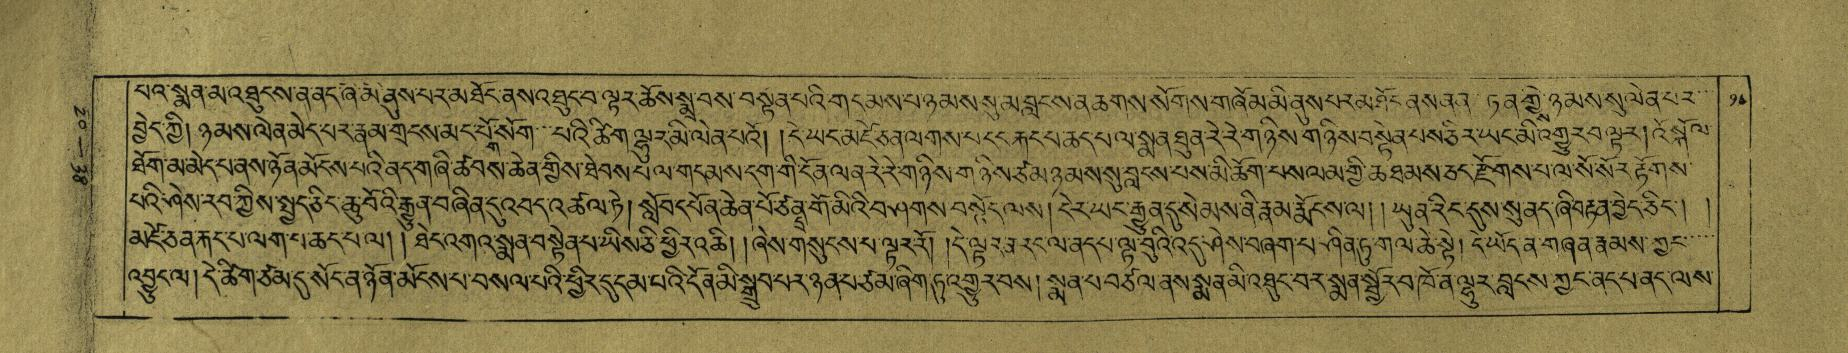པའི་སྨན་མ་འཐུངས་ན་ནད་ཞི་མི་ནུས་པར་མཐོང་ནས་འཐུང་བ་ལྟར་ཆོས་སྨྲ་བས་བསྟན་པའི་གདམས་པ་ཉམས་སུ་མ་བླངས་ན་ཆགས་སོགས་གཞོམ་མི་ནུས་པར་མཐོང་ནས་ནན་ཏན་གྱིས་ཉམས་སུ་ལེན་པར་
བྱེད་ཀྱི། ཉམས་ལེན་མེད་པར་རྣམ་གྲངས་མང་པོ་གསོག་པའི་ཚིག་ལྷུར་མི་ལེན་པའོ། །དེ་ཡང་མཛེ་ཅན་ལགས་པ་དང་རྐང་པ་ཆད་པ་ལ་སྨན་ཐུན་རེ་རེ་གཉིས་གཉིས་བསྟེན་པས་ཅིར་ཡང་མི་འགྱུར་བ་ལྟར། འོ་སྐོལ་
ཐོག་མ་མེད་པ་ནས་ཉོན་མོངས་པའི་ནད་གཞི་ཚབས་ཆེན་གྱིས་ཐེབས་པ་ལ་གདམས་ངག་གི་དོན་ལན་རེ་རེ་གཉིས་གཉིས་ཙམ་ཉམས་སུ་བླངས་པས་མི་ཆོག་པས་ལམ་གྱི་ཆ་ཐམས་ཅད་རྫོགས་པ་ལ་སོ་སོར་རྟོགས་
པའི་ཤེས་རབ་ཀྱིས་སྤྱད་ཅིང་ཆུ་བོའི་རྒྱུན་བཞིན་དུ་འབད་འཚལ་ཏེ། སློབ་དཔོན་ཆེན་པོ་ཙནྡྲ་གོ་མིའི་བཤགས་བསྟོད་ལས། དེར་ཡང་རྒྱུན་དུ་སེམས་ནི་རྣམ་རྨོངས་ལ། །ཡུན་རིང་དུས་སུ་ནད་ཞི་བརྟན་བྱེད་ཅིང་། །
མཛེ་ཅན་རྐང་པ་ལག་པ་ཆད་པ་ལ། །ཐེང་འགའ་སྨན་བསྟེན་པ་ཡིས་ཅི་ཕྱིར་འཆི། །ཞེས་གསུངས་པ་ལྟར་རོ། །དེ་ལྟར་ན་རང་ལ་ནད་པ་ལྟ་བུའི་འདུ་ཤེས་བཞག་པ་ཤིན་ཏུ་གལ་ཆེ་སྟེ། དེ་ཡོད་ན་གཞན་རྣམས་ཀྱང་
འབྱུང་ལ། དེ་ཚིག་ཙམ་དུ་སོང་ན་ཉོན་མོངས་པ་བསལ་པའི་ཕྱིར་དུ་དམ་པའི་དོན་མི་སྒྲུབ་པར་ཉན་པ་ཙམ་ཞིག་ཏུ་འགྱུར་བས། སྨན་པ་བཙལ་ནས་སྨན་མི་འཐུང་བར་སྨན་སྦྱོར་བ་ཁོ་ན་ལྷུར་བླངས་ཀྱང་ནད་པ་ནད་ལས་